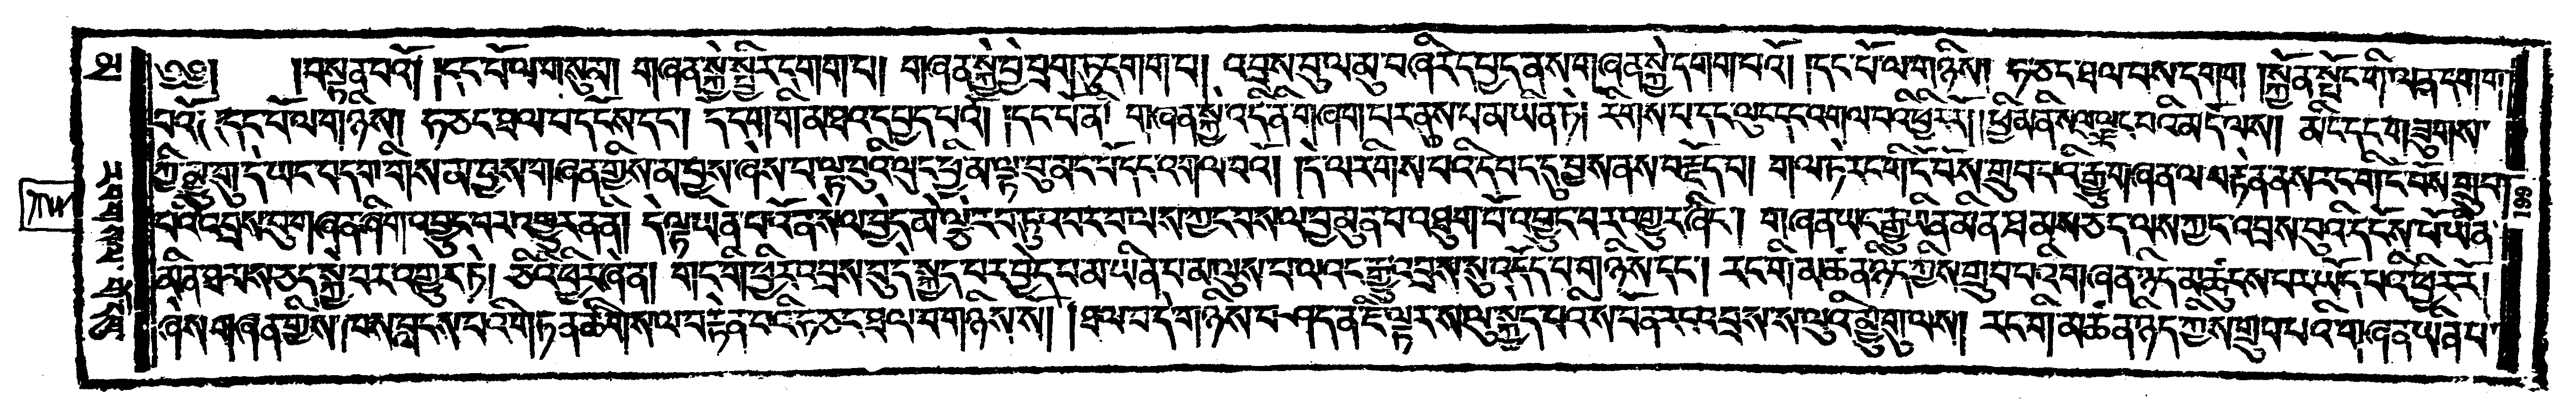༄༅། །བསྟན་པའོ། །དང་པོ་ལ་གསུམ། གཞན་སྐྱེ་སྤྱིར་དགག་པ། གཞན་སྐྱེ་བྱེ་བྲག་ཏུ་དགག་པ། འབྲས་བུ་ལ་མུ་བཞིར་དཔྱད་ནས་གཞན་སྐྱེ་དགག་པའོ། །དང་པོ་ལ་གཉིས། ཧ་ཅང་ཐལ་བས་དགག །སྐྱོན་སྤོང་གི་ལན་དགག་
པའོ༑ ༑དང་པོ་ལ་གཉིས། ཧ་ཅང་ཐལ་བ་དངོས་དང་། དེ་དག་གི་མཐའ་དཔྱད་པའོ། །དང་པོ་ནི། གཞན་སྐྱེ་འདི་ནི་གཞག་པར་ནུས་པ་མ་ཡིན་ཏེ། རིགས་པ་དང་ལུང་དང་འགལ་བའི་ཕྱིར་རོ། །ཕྱི་མ་ནི་ས་ལུ་ལྗང་བའི་མདོ་ལས། མིང་དང་གཟུགས་
ཀྱི་མྱུ་གུ་དེ་ཡང་བདག་གིས་མ་བྱས་གཞན་གྱིས་མ་བྱས་ཞེས་པ་ལྟ་བུའི་ལུང་ཕྱི་མ་ལྟ་བུ་མང་པོ་དང་འགལ་བའོ། །དེ་ལ་རིགས་པའི་དབང་དུ་བྱས་ནས་བརྗོད་པ། གལ་ཏེ་རང་གིས་ངོ་བོས་གྲུབ་པའི་རྒྱུ་གཞན་ལ་བརྟེན་ནས་རང་གི་ངོ་བོས་གྲུབ་
པའི་འབྲས་བུ་གཞན་ཞིག་འབྱུང་བར་འགྱུར་ན་ནི། དེ་ལྟ་ཡིན་པ་འོ་ན་སེལ་བྱེད་མེ་ལྕེ་རབ་ཏུ་འབར་བ་ལས་ཀྱང་བསལ་བྱ་མུན་པ་འཐུག་པོ་འབྱུང་བར་འགྱུར་ཞིང་། གཞན་ཡང་རྒྱུ་ཡིན་མིན་ཐམས་ཅད་ལས་ཀྱང་འབྲས་བུའི་དངོས་པོ་ཡིན་
མིན་ཐམས་ཅད་སྐྱེ་བར་འགྱུར་ཏེ། ཅིའི་ཕྱིར་ཞེ་ན། གང་གི་ཕྱིར་འབྲས་བུ་དེ་སྐྱེད་པར་བྱེད་པ་མ་ཡིན་པ་མ་ལུས་པ་ལའང་རྒྱུ་འབྲས་སུ་འདོད་པ་གཉིས་དང་། རང་གི་མཚན་ཉིད་ཀྱིས་གྲུབ་པའི་གཞན་ཉིད་མཚུངས་པར་ཡོད་པའི་ཕྱིར་རོ།
ཞེས་གཞན་གྱིས་ཁས་བླངས་པའི་གཏན་ཚིགས་ལ་བརྟེན་པའི་ཧ་ཅང་ཐལ་བ་གཉིས་སོ། །ཐལ་བ་དེ་གཉིས་བཤད་ན་ཇི་ལྟར་ས་ལུ་སྐྱེད་པའི་ས་བོན་རང་འབྲས་ས་ལུའི་མྱུ་གུ་ལས། རང་གི་མཚན་ཉིད་ཀྱིས་གྲུབ་པའི་གཞན་ཡིན་པ་